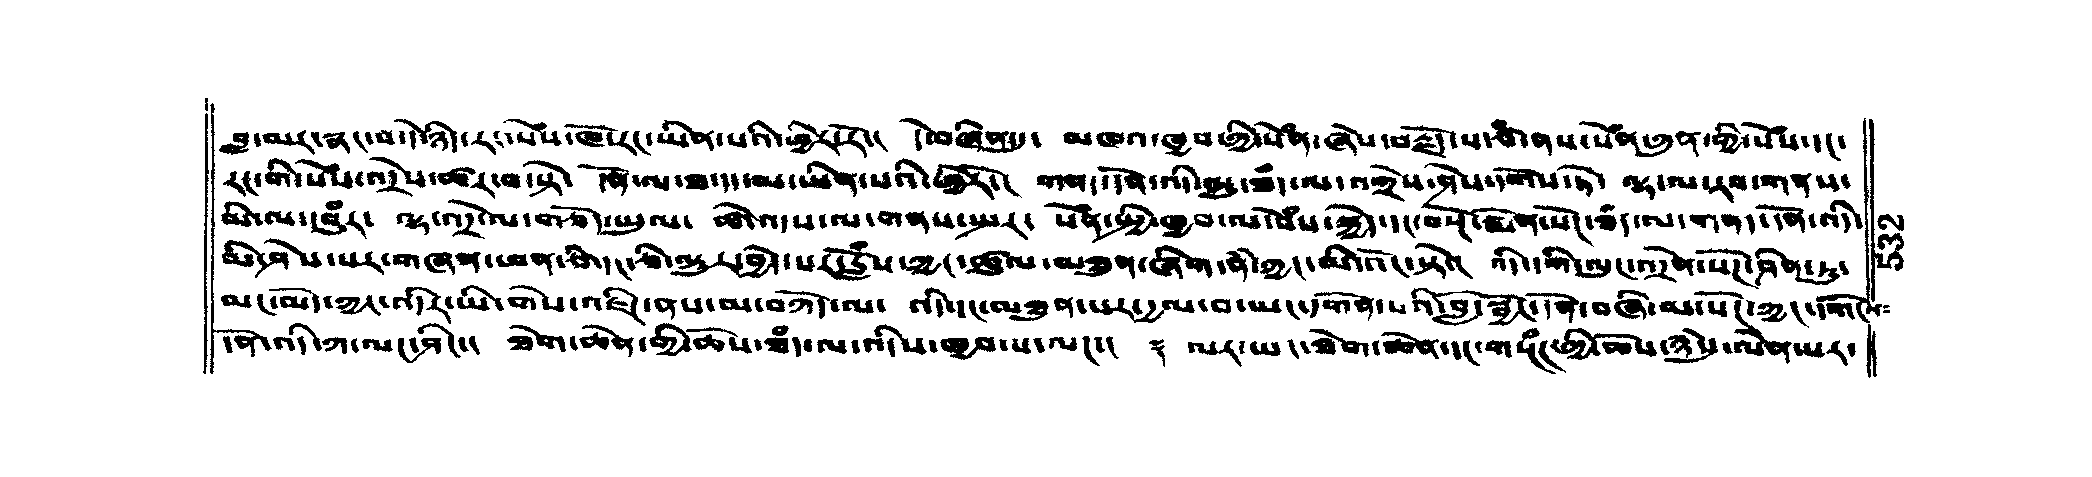བླ་མར་སྣང་བ་དེ་ཉིད་རང་སེམས་ཁོ་རང་ཡིན་པའི་ཕྱིར་རོ། དེ་བཞིན་དུ། མཁའ་ཁྱབ་ཀྱི་སེམས་ཅན་ཞེས་བརྗོད་པ་ཙམ་ནས་སེམས་ཅན་ཀུན་གྱི་སེམས་དང་། 
རང་གི་སེམས་འདྲེས་ཚར་བ་སྟེ། དོན་ལ་ཐ་དད་མ་ཡིན་པའི་ཕྱིར་རོ། གནད་དོན་འདི་ལྟ་བུ་ཐམས་ཅད་ལ་འགྲེས་ཤེས་དགོས་ཏེ། ལྷ་ལ་རབ་གནས། 
མི་ལ་དབང་བསྐུར། ལྷ་འདྲེ་ལ་གཅོད་ཡུལ། ཚེ་འདས་ལ་གནས་སྤར།སེམས་ཅན་སྤྱི་ཁྱབ་ལ་སེམས་སྐྱེད་དང་བསྔོ་སྨོན་སོགས་ཐམས་ཅད་ལ་གནད་དོན་འདི་
མི་ཤེས་པར་གཞན་ཕན་ཅི་དང་ཅི་ལྟ་བུར་བྱེད་པར་རློམས་ཀྱང་ཚུལ་མཐུན་ཞིག་ནམ་ཡང་མི་འོང་སྟེ། འདི་དག་གི་ལུང་འདྲེན་སོགས་ཤིན་ཏུ་
མང་མོད་ཀྱང་འདིར་ཡི་གེས་འཇིགས་ནས་མ་བཀོད་ལ། འདི་དང་མཐུན་པར་རྒྱལ་བ་ཡང་དགོན་པའི་བློ་སྦྱོང་དོན་བཞི་མ་སོགས་ཀྱང་དགོངས་
དོན་འདི་ཀ་ལགས་ཤིང་། ཐེག་ཆེན་གྱི་ཆོས་ཐམས་ཅད་ལ་འདིས་ཁྱབ་པ་ལགས། ༈ ལར་ཡང་ཐེག་ཆེན་དང་གསང་སྔགས་ཀྱི་ཆོས་ཉམས་སུ་ལེན་པར་